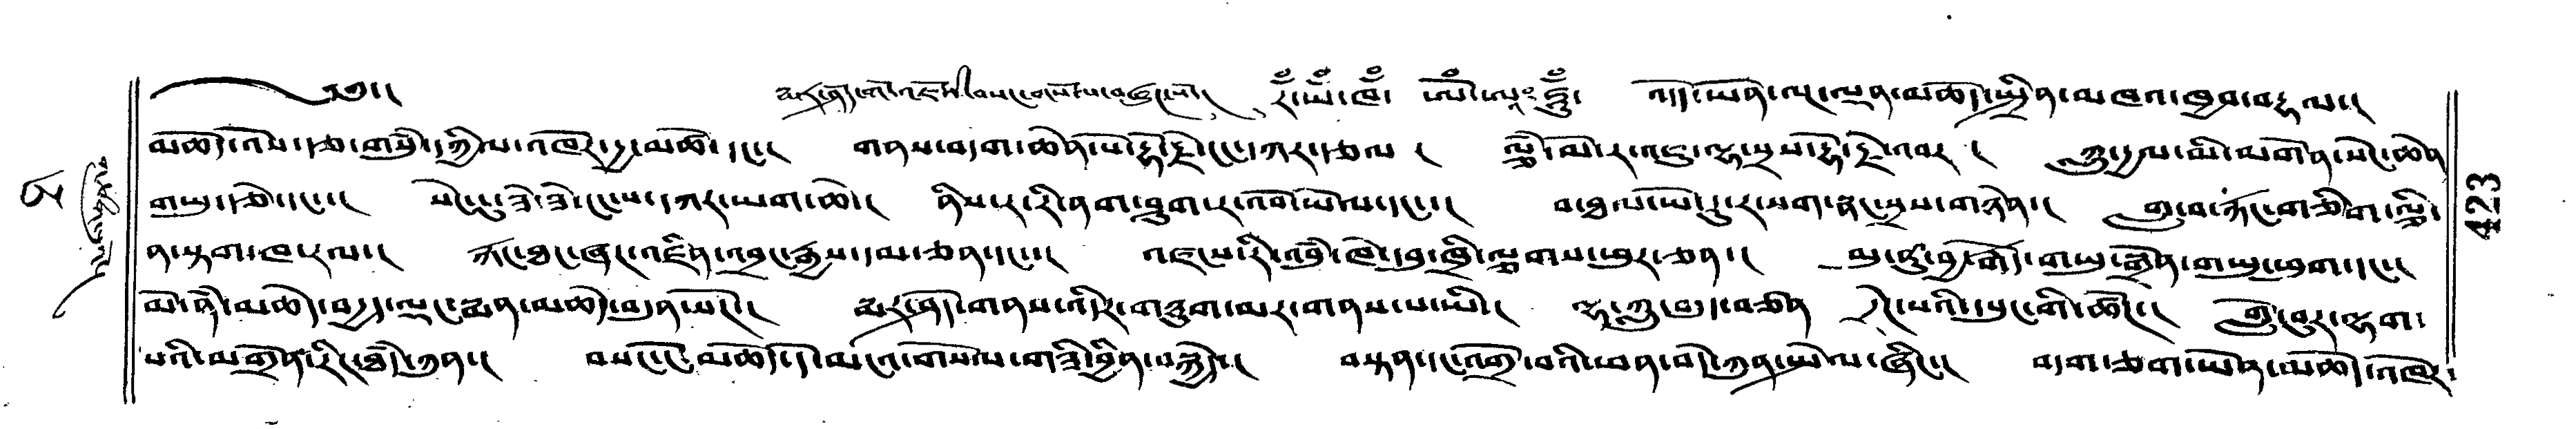༄༅། སྨར་ཤོད་གོ་འཇོའི་བསང་གསོལ་བཞུགས་སོ། རྃ་ཡྃ་ཁྃ། ཨོཾ་ཨཱཿཧཱུྃ། འདོད་ཡོན་ལྔ་ལྡན་མཆོད་སྤྲིན་མཁའ་ཁྱབ་བརྡལ། །
མཆོད་འོས་རྩ་གསུམ་དཀྱིལ་འཁོར་རྒྱ་མཚོ་དང། །གནས་བདག་ཆེན་པོ་རྡོ་རྗེ་ངང་དཀར་རྩལ། །ལྕམ་མོ་ར་འཇུ་ལྷ་སྲས་རྡོ་རྗེ་འབར། །ཀླུ་རྒྱལ་མི་མགོན་སེང་ཆེན་
གཡུ་རྩེ་དང་། །སེང་ངུ་ཟེ་ཟེ་ངང་པ་དཀར་ཡག་ཆེ། །ནིས་ར་རི་ནག་ཤུག་ར་འབོ་ཡོལ་དང། །བ་ཐལ་ཡོ་རུ་ར་སག་སྣང་སྲས་གཉེན། །གླ་བ་རྐང་གཅིག་ལྕི་
ན་སྟག་ཁ་རལ། །རྐང་ཐང་ཞགས་འཛིན་འབྲང་རྒྱས་དམ་ཅན་དང་། །འཛངས་རི་འབུམ་ཁེ་དབུ་ཁྲི་ལྕགས་ཕུར་ཅན། །མུ་ནུ་བྱ་རྒོད་གཡུ་སྒྲོན་གཡུ་ཕུག་དང་། །
མོ་ནམ་མཆེད་བརྒྱད་ལྡང་སྨན་མཆེད་བདུན་སོགས། །སྨྲ་ཤོད་གནས་འདིར་གཉུག་མར་གནས་པ་ཡི། །ལྷ་ཀླུ་བདུད་བཙན་དྲེགས་པའི་དཔུང་གི་ཚོགས། །གློ་བུར་ལྷགས་
པའི་མགྲོན་རིགས་ཐམས་ཅད་ཀུན། །བསང་ངོ་མཆོད་དོ་མངའ་གསོལ་གཟི་བྱིན་བསྐྱེད། །བསྟན་དང་འགྲོ་བའི་ཕན་བདེ་ཀུན་སྤེལ་ཞིང་། །བདག་ཅག་ཡོན་མཆོད་འཁོར་